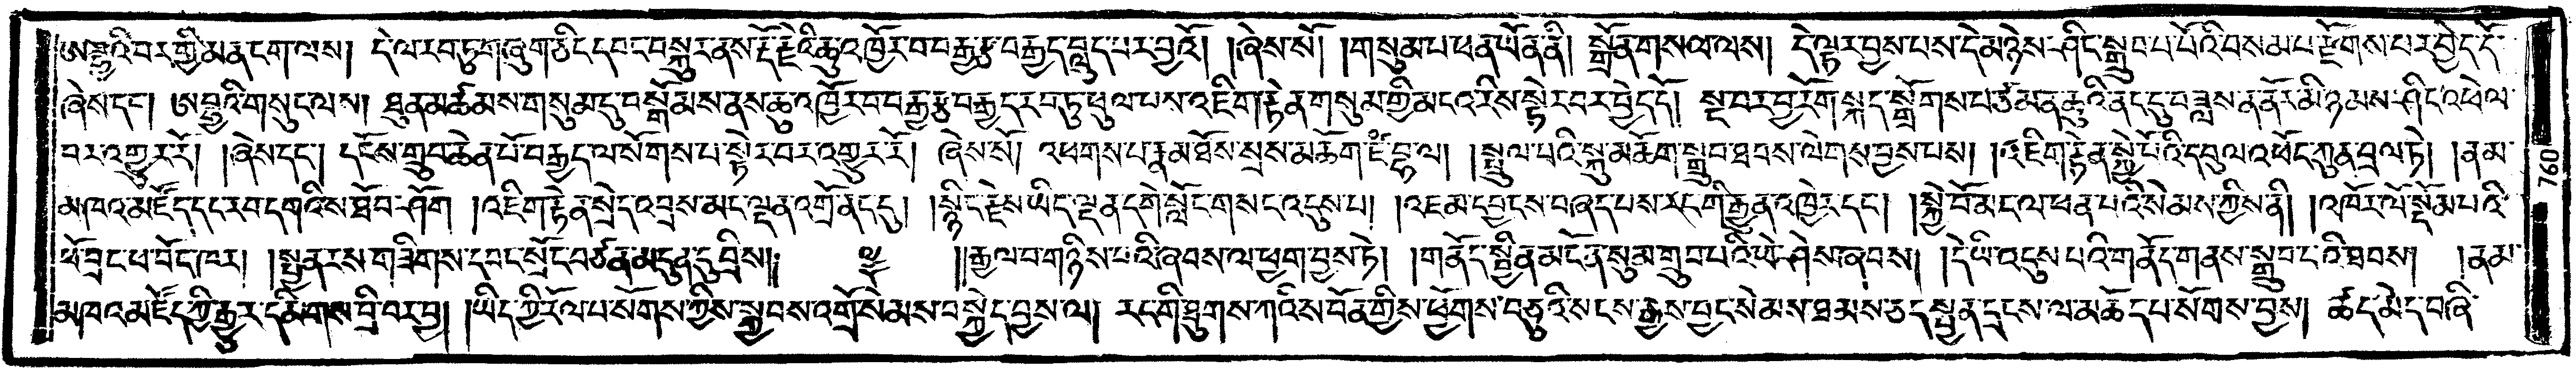ཨ་བྷྱའི་བར་གྱི་མན་ངག་ལས། དེ་ལ་རབ་ཏུ་གཞུག་ཅིང་དབང་བསྐུར་ནས་རྡོ་རྗེའི་ཆུ་འཁྱོར་བ་བརྒྱ་རྩ་བརྒྱད་བླུད་པར་བྱའོ། །ཞེས་སོ། །གསུམ་པ་ཕན་ཡོན་ནི། སྒྲོན་གསལ་ལས། དེ་ལྟར་བྱས་པས་དེ་མཉེས་ཤིང་སྒྲུབ་པ་པོའི་བསམ་པ་རྫོགས་པར་བྱེད་དོ།།
ཞེས་དང་། ཨ་བྷཱི་གསུང་ལས། ཐུན་མཚམས་གསུམ་དུ་བསྒོམས་ནས་ཆུ་འཁྱོར་བ་བརྒྱ་རྩ་བརྒྱད་རབ་ཏུ་ཕུལ་པས་འཇིག་རྟེན་གསུམ་གྱི་མངའ་རིས་སྟེར་བར་བྱེད་དོ། སྔ་བར་བྱ་རོག་སྐད་སྒྲོགས་པ་ཙམ་ན་ཆུའི་ནང་དུ་བཟླས་ན་ནོར་མི་ཉམས་ཤིང་འཕེལ་
བར་འགྱུར་རོ། །ཞེས་དང་། དངོས་གྲུབ་ཆེན་པོ་བརྒྱད་ལ་སོགས་པ་སྟེར་བར་འགྱུར་རོ། ཞེས་སོ། འཕགས་པ་རྣམ་ཐོས་སྲས་མཆོག་ཛཾ་བྷ་ལ། །སྦྲུལ་པའི་སྐུ་མཆོག་སྒྲུབ་ཐབས་ལེགས་བྱས་པས། །འཇིག་རྟེན་སྐྱེ་པོའི་དཔུལ་འཕོང་ཀུན་བྲལ་ཏེ། །ནམ་
མཁའ་མཛོད་དང་རབ་དགའི་ས་ཐོབ་ཤོག །འཇིག་རྟེན་སྲེད་འབྲས་མང་ལྡན་འགྲོ་ནང་དུ། །སྙིང་རྗེས་ཡིད་ལྡན་དགེ་སློང་གསང་འདུས་པ། །འཇམས་དབྱངས་བཞད་པས་རང་གི་རྒྱུན་འཁྱེར་དང་། །སྐྱེ་བོ་མང་ལ་ཕན་པའི་སེམས་ཀྱིས་ནི། །འཁོར་ལོ་སྡོམ་པའི་
པོ་བྲང་ཕ་བོད་ཁར། །སྤྱན་རས་གཟིགས་དབང་སྲོང་བཙན་མདུནད་དུ་བྲིས།། ༈ །།རྒྱལ་བ་གཉིས་པའི་ཞབས་ལ་ཕྱག་བྱས་ཏེ། །གནོད་སྦྱིན་མངོན་སུམ་གྲུབ་པའི་ཡེ་ཤེས་ཞབས། །དེ་ཡི་འདུས་པའི་གནོད་གནས་སྒྲུབ་པའི་ཐབས། །ནམ་
མཁའ་མཛོད་ཀྱི་རྒྱུར་དམིགས་བྲི་བར་བྱ། །ཡིད་ཀྱི་རོལ་པ་སོགས་ཀྱིས་སྐྱབས་འགྲོ་སེམས་བསྐྱེད་བྱས་ལ། རང་གི་ཐུགས་ཀའི་ས་བོན་གྱིས་ཕྱོགས་བཅུའི་སངས་རྒྱས་བྱང་སེམས་ཐམས་ཅད་སྤྱན་དྲངས་ལ་མཆོད་པ་སོགས་བྱས། ཚད་མེད་བཞི་